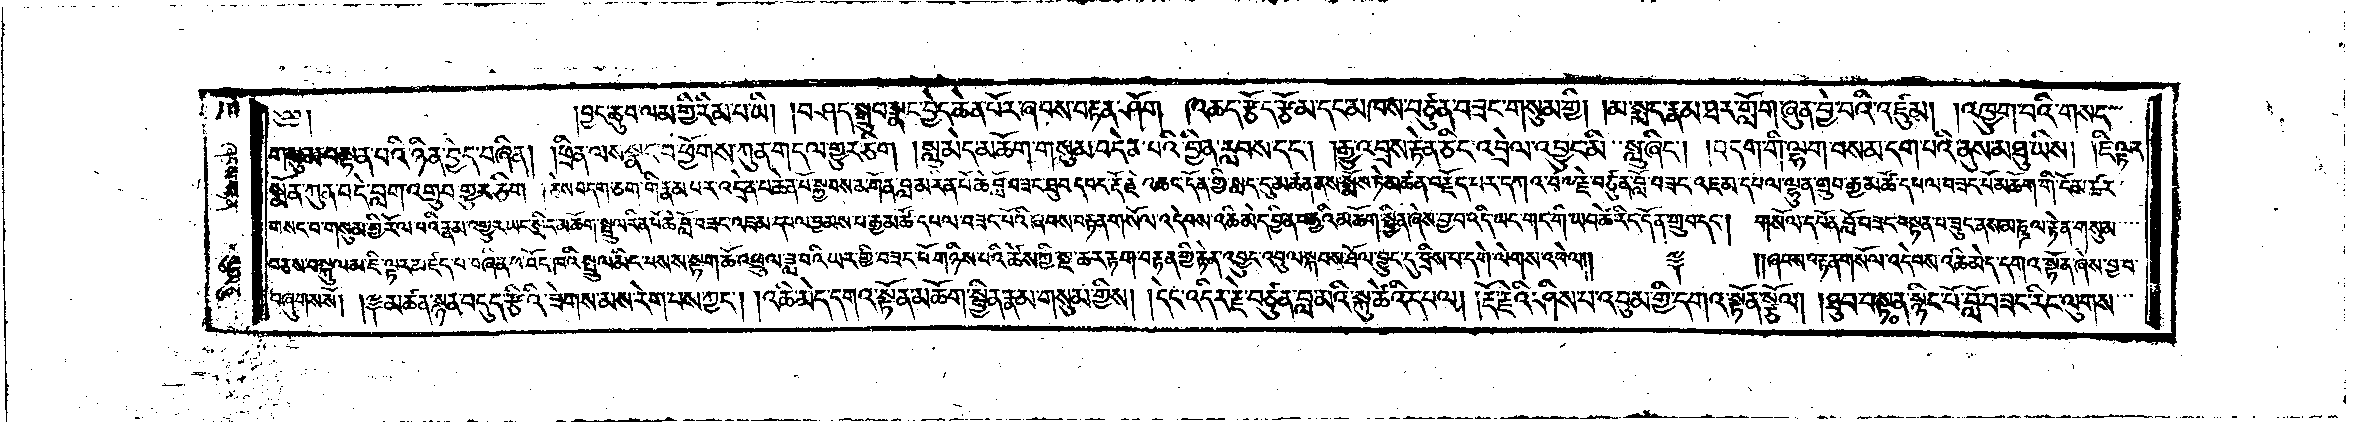༄༅། །བྱང་ཆུབ་ལམ་གྱི་རིམ་པ་ཡི། །བཤད་སྒྲུབ་སྣང་བྱེད་ཆེན་པོར་ཞབས་བརྟན་ཤོག །འཆད་རྩོད་རྩོམ་དང་མཁས་བཙུན་བཟང་གསུམ་གྱི། །མ་སྨད་རྣམ་ཐར་གློག་ཞུན་བྱེ་བའི་འཛུམ། །འཁྱུག་པའི་གསང་
གསུམ་བསྟན་པའི་ཉིན་བྱེད་བཞིན། །ཕྲིན་ལས་སྣང་བ་ཕྱོགས་ཀུན་གདལ་གྱུར་ཅིག །སླུ་མེད་མཆོག་གསུམ་བདེན་པའི་བྱིན་རླབས་དང་། །རྒྱུ་འབྲས་རྟེན་ཅིང་འབྲེལ་འབྱུང་མི་སླུ་ཞིང་། །བདག་གི་ལྷག་བསམ་དག་པའི་ནུས་མཐུ་ཡིས། །ཇི་ལྟར་
སྨོན་ཀུན་བདེ་བླག་འགྲུབ་གྱུར་ཅིག །ཅེས་བདག་ཅག་གི་རྣམ་པར་འདྲེན་པ་ཆེན་པོ་སྐྱབས་མགོན་བླ་མ་རིན་པོ་ཆེ་བློ་བཟང་ཐུབ་དབང་རྡོ་རྗེ་འཆང་དོན་གྱི་སླད་དུ་མཚན་ནས་སྨོས་ཏེ་མཚན་བརྗོད་པར་དཀའ་བ ༧་རྗེ་བཙུན་བློ་བཟང་འཇམ་དཔལ་ལྷུན་གྲུབ་རྒྱ་མཚོ་དཔལ་བཟང་པོ་མཆོག་གི་ངོ་མཚར་
གསང་བ་གསུམ་གྱི་རོལ་བའི་རྣམ་འགྱུར་ཡང་སྲིད་མཆོག་སྤྲུལ་རིན་པོ་ཆེ་བློ་བཟང་འཇམ་དཔལ་བྱམས་པ་རྒྱ་མཚོ་དཔལ་བཟང་པོའི་ཞབས་བརྟན་གསོལ་འདེབས་འཆི་མེད་བྱིན་བརྒྱའི་མཆོག་སྦྱིན་ཞེས་བྱ་བ་འདི་ཡང་གང་གི་ཡབ་ཚེ་རིང་དོན་གྲུབ་དང་། གསོལ་དཔོན་བློ་བཟང་བསྟན་བཟུང་ནས་མཎྜལ་རྟེན་གསུམ་
བཅས་བསྐུལ་མ་ཇི་ལྟར་མཛད་པ་བཞིན་ཕ་བོང་ཁའི་སྤྲུལ་མིང་པས་ས་སྟག་ཆོ་འཕྲུལ་ཟླ་བའི་ཡར་གྱི་བཟང་པོ་གཉིས་པའི་ཚེས་ཀྱི་སྔ་ཆར་རྟག་བརྟན་གྱི་རྟེན་འབྱུང་འབུལ་སྐབས་ཐོལ་བྱུང་དུ་བྲིས་པ་དགེ་ལེགས་འཕེལ།། ༈ །།ཞབས་བརྟན་གསོལ་འདེབས་འཆི་མེད་དགའ་སྟོན་ཞེས་བྱ་བ་
བཞུགས་སོ། ། ༈ མཚན་སྙན་བདུད་རྩིའི་ཟེགས་མས་རེག་པས་ཀྱང་། །འཆི་མེད་དགའ་སྟོན་མཆོག་སྦྱིན་རྣམ་གསུམ་གྱིས། །དེང་འདིར་རྗེ་བཙུན་བླ་མའི་སྐུ་ཚེའི་དཔལ། །རྡོ་རྗེའི་ཤིས་པ་འབུམ་གྱི་དགའ་སྟོན་སྩོལ། །ཐུབ་བསྟན་སྙིང་པོ་བློ་བཟང་རིང་ལུགས་